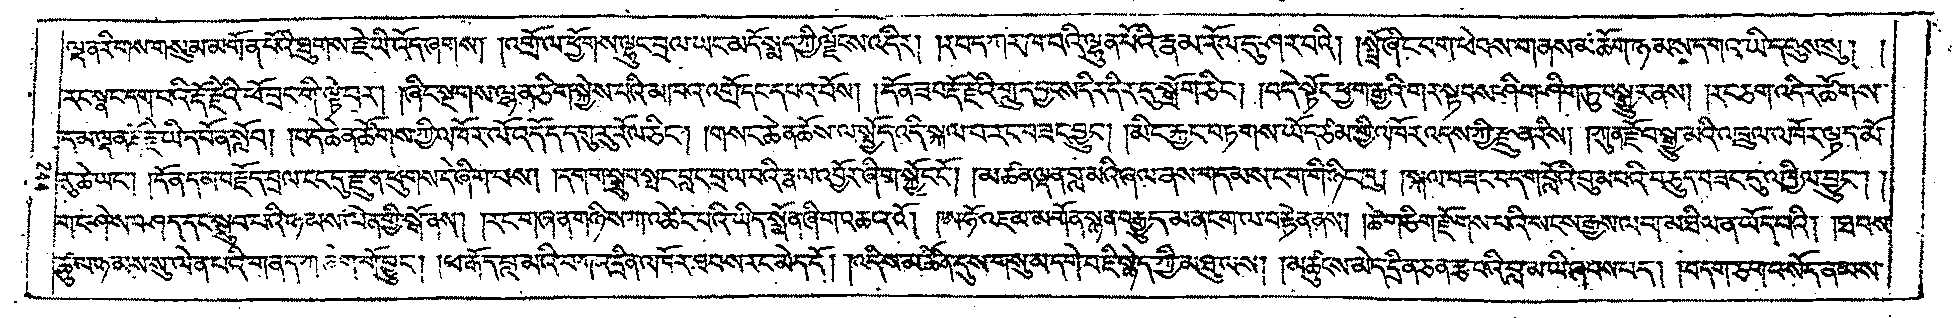ལྡན་རིགས་གསུམ་མགོན་པོའི་ཐུགས་རྗེ་ཡི་འོད་ཞགས། །འགྲོ་ལ་ཕྱོགས་ལྷུང་བྲལ་ཡང་མདོ་སྨད་ཀྱི་ལྗོངས་འདིར། །རབ་དཀར་ཁ་བའི་ལྷུན་པོའི་རྣམ་རོལ་དུ་ཤར་བའི། །སྤྲོ་ཞིང་བག་ཕེབས་གནས་མཆོག་ཉམས་དགའ་ཡི་དབུས་སུ། །
རང་སྣང་དག་པའི་རྡོ་རྗེའི་ཕོ་བྲང་གི་ལྟེ་བར། །ཞིང་སྔགས་ལྷན་ཅིག་སྐྱེས་པའི་མཁའ་འགྲོ་དང་དཔའ་བོས། །དོན་ཟབ་རྡོ་རྗེའི་གླུ་དབྱངས་དིར་དིར་དུ་སྒྲོག་ཅིང་། །བདེ་སྟོང་ཕྱག་རྒྱའི་གར་སྟབས་ཤིག་ཤིག་ཏུ་བསྒྱུར་ནས། །རང་ཅག་འདིར་ཚོགས་
དམ་ལྡན་རྡོ་རྗེ་ཡི་དཔོན་སློབ། །བདེ་ཆེན་ཚོགས་ཀྱི་འཁོར་ལོ་འདོད་དགུ་རུ་རོལ་ཅིང་། །གསང་ཆེན་ཆོས་ལ་སྤྱོད་འདི་སྐལ་བ་རང་བཟང་བྱུང་། །མིང་རྐྱང་བཏགས་ཡོད་ཙམ་གྱི་འཁོར་འདས་ཀྱི་རྫུན་རིས། །ཀུན་རྫོབ་སྒྱུ་མའི་འཁྲུལ་འཁོར་ལྟད་མོ་
རུ་ཆེ་ཡང་། །དོན་དམ་བརྗོད་བྲལ་ངང་དུ་རྫུན་ཕུགས་དེ་ཞིག་པས། །དགག་སྒྲུབ་སྤང་བླང་བྲལ་བའི་རྣལ་འབྱོར་ཞིག་སྐྱོང་ངོ། །མཚན་ལྡན་བླ་མའི་ཞལ་ནས་གདམས་ངག་གི་ཉིང་ཁུ། །སྐལ་བཟང་བདག་བློའི་བུམ་པའི་བཅུད་བཟང་དུ་འཁྱིལ་བྱུང་། །
གང་ཤེས་བཤད་དང་སྒྲུབ་པའི་ཉམས་ལེན་གྱི་སྒོ་ནས། །རང་གཞན་གཉིས་ཀ་འཚེང་བའི་ཡིད་སྨོན་ཞིག་འཆའ་འོ། །ཨ་ཧོ་འཇམ་མགོན་སྙན་བརྒྱུད་མན་ངག་ལ་བརྟེན་ནས། །ཚེ་གཅིག་རྫོགས་པའི་སངས་རྒྱས་ལག་མཐིལ་ན་ཡོད་པའི། །ཐབས་
ཚུལ་ཉམས་སུ་ལེན་ཨཱི་གནད་ཀ་ཞིག་གོ་བྱུང་། །ཕ་རྒོད་བླ་མའི་བཀའ་དྲིན་འཁོར་ཐབས་རང་མེད་དོ། །འདིས་མཚོན་དུས་གསུམ་དགེ་བ་ཇི་སྙེད་ཀྱི་མཐུ་ལས། །མཚུངས་མེད་དྲིན་ཅན་རྩ་བའི་བླ་མ་ཡི་ཞབས་པད། །བདག་ཅག་བསོད་ནམས་